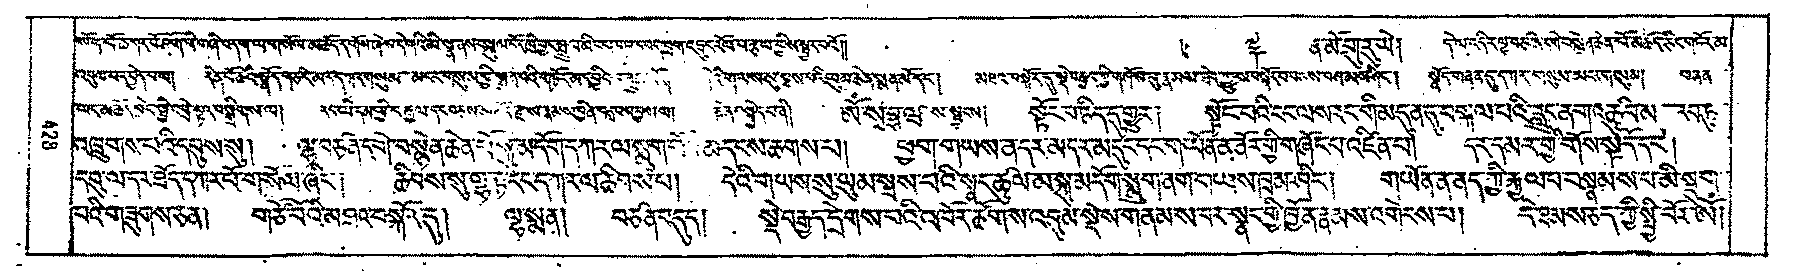སོག་པོ་ཆ་གར་པོ་ཤོག་གི་གཞི་བདག་ལ་གསོལ་མཆོད་དགོས་ཞེས་དེ་གའི་མི་སྣ་ནས་བསྐུལ་ངོར་ཁྲི་བྱང་སྤྲུལ་མིང་པ་གར་དབང་ཁྲག་འཐུང་རོལ་པ་རྩལ་གྱིས་སྦྱར་བའོ།། །། ༈ ན་མོ་གུ་རུ་ཡེ། དེ་ལ་འདིར་ལྷ་བཙན་དགེ་བསྙེན་ཆེན་པོ་མཆོད་ཅིང་གཏོར་མ་
འབུལ་བར་བྱེད་པ་ལ། རིན་པོ་ཆེའི་སྣོད་གཙང་མར་དཀར་གསུམ་མངར་གསུམ་གྱི་སྤྲན་པའི་གཏོར་མ་དབྱིབས་ཟླུམ་པོར། དེའི་གཡས་སུ་སྦས་པའི་ཡུམ་ཆེན་སྨན་མོ་དང་། མཐའ་བསྐོར་དུ་སྡེ་བརྒྱད་ཀྱི་གཤོས་བུ་རྣམས་ཐེབ་ཀྱུས་བསྐོར་བ་བཅས་བཤམས་ཤིང་། སྣོད་གཞན་དུ་དཀར་གསུམ་མངར་གསུམ། གཞན་
ཡང་མཆོད་ཕྲེང་སྤྱི་འགྲེ་ལྟར་བསྒྲིགས་ལ། རང་ཡི་དམ་གྱི་ང་རྒྱལ་དང་བཅས་མཆོད་རྫས་རྣམས་བྱིན་བརླབས་བྱས་ལ། རྟེན་བསྐྱེད་པ་ནི། ཨོཾ་སྭ་བྷ་ཝ་ས་སྦྱངས།  སྟོང་པ་ཉིད་དུ་གྱུར། སྟོང་པའི་ངང་ལས་རང་གི་མདུན་དུ་བསྐལ་པའི་རླུང་ནག་འཚུབ་མ་རབ་ཏུ་
འཁྲུགས་པའི་དབུས་སུ། ལྷ་བཙན་དགེ་བསྙེན་ཆེན་པོ་སྐུ་མདོག་དཀར་ལ་སྨུག་པོའི་མདངས་ཆགས་པ། ཕྱག་གཡས་ན་དར་མདར་མདུང་དང་གཡོན་ན་ནོར་གྱི་གཞོང་པ་འཛིན་པ། དར་དམར་གྱི་གོས་སྟོད་དང་།
དབུ་ལ་དར་ཐོད་དཀར་པོ་གསོལ་ཞིང་། ཆིབས་སུ་ལྷ་རྟ་ངང་དཀར་ལ་ཆིབས་པ། དེའི་གཡས་སུ་ཡུམ་སྦས་པའི་སྣང་ཚུལ་མ་སྐུ་མདོག་སྨུག་ནག་གཡས་ཁྲམ་ཤིང་། གཡོན་ན་ནད་ཀྱི་རྐྱལ་པ་བསྣམས་པ་མི་སྡུག་
པའི་གཟུགས་ཅན། གཙོ་བོའི་མཐའ་བསྐོར་དུ། ལྷ་སྨན། བཙན་བདུད། སྡེ་བརྒྱད་དྲེགས་པའི་འཁོར་ཚོགས་འབུམ་སྡེ་གནམ་ས་བར་སྣང་གྱི་ཁྱོན་རྣམས་འགེངས་པ། དེ་ཐམས་ཅད་ཀྱི་སྤྱི་བོ་ཨོཾ།